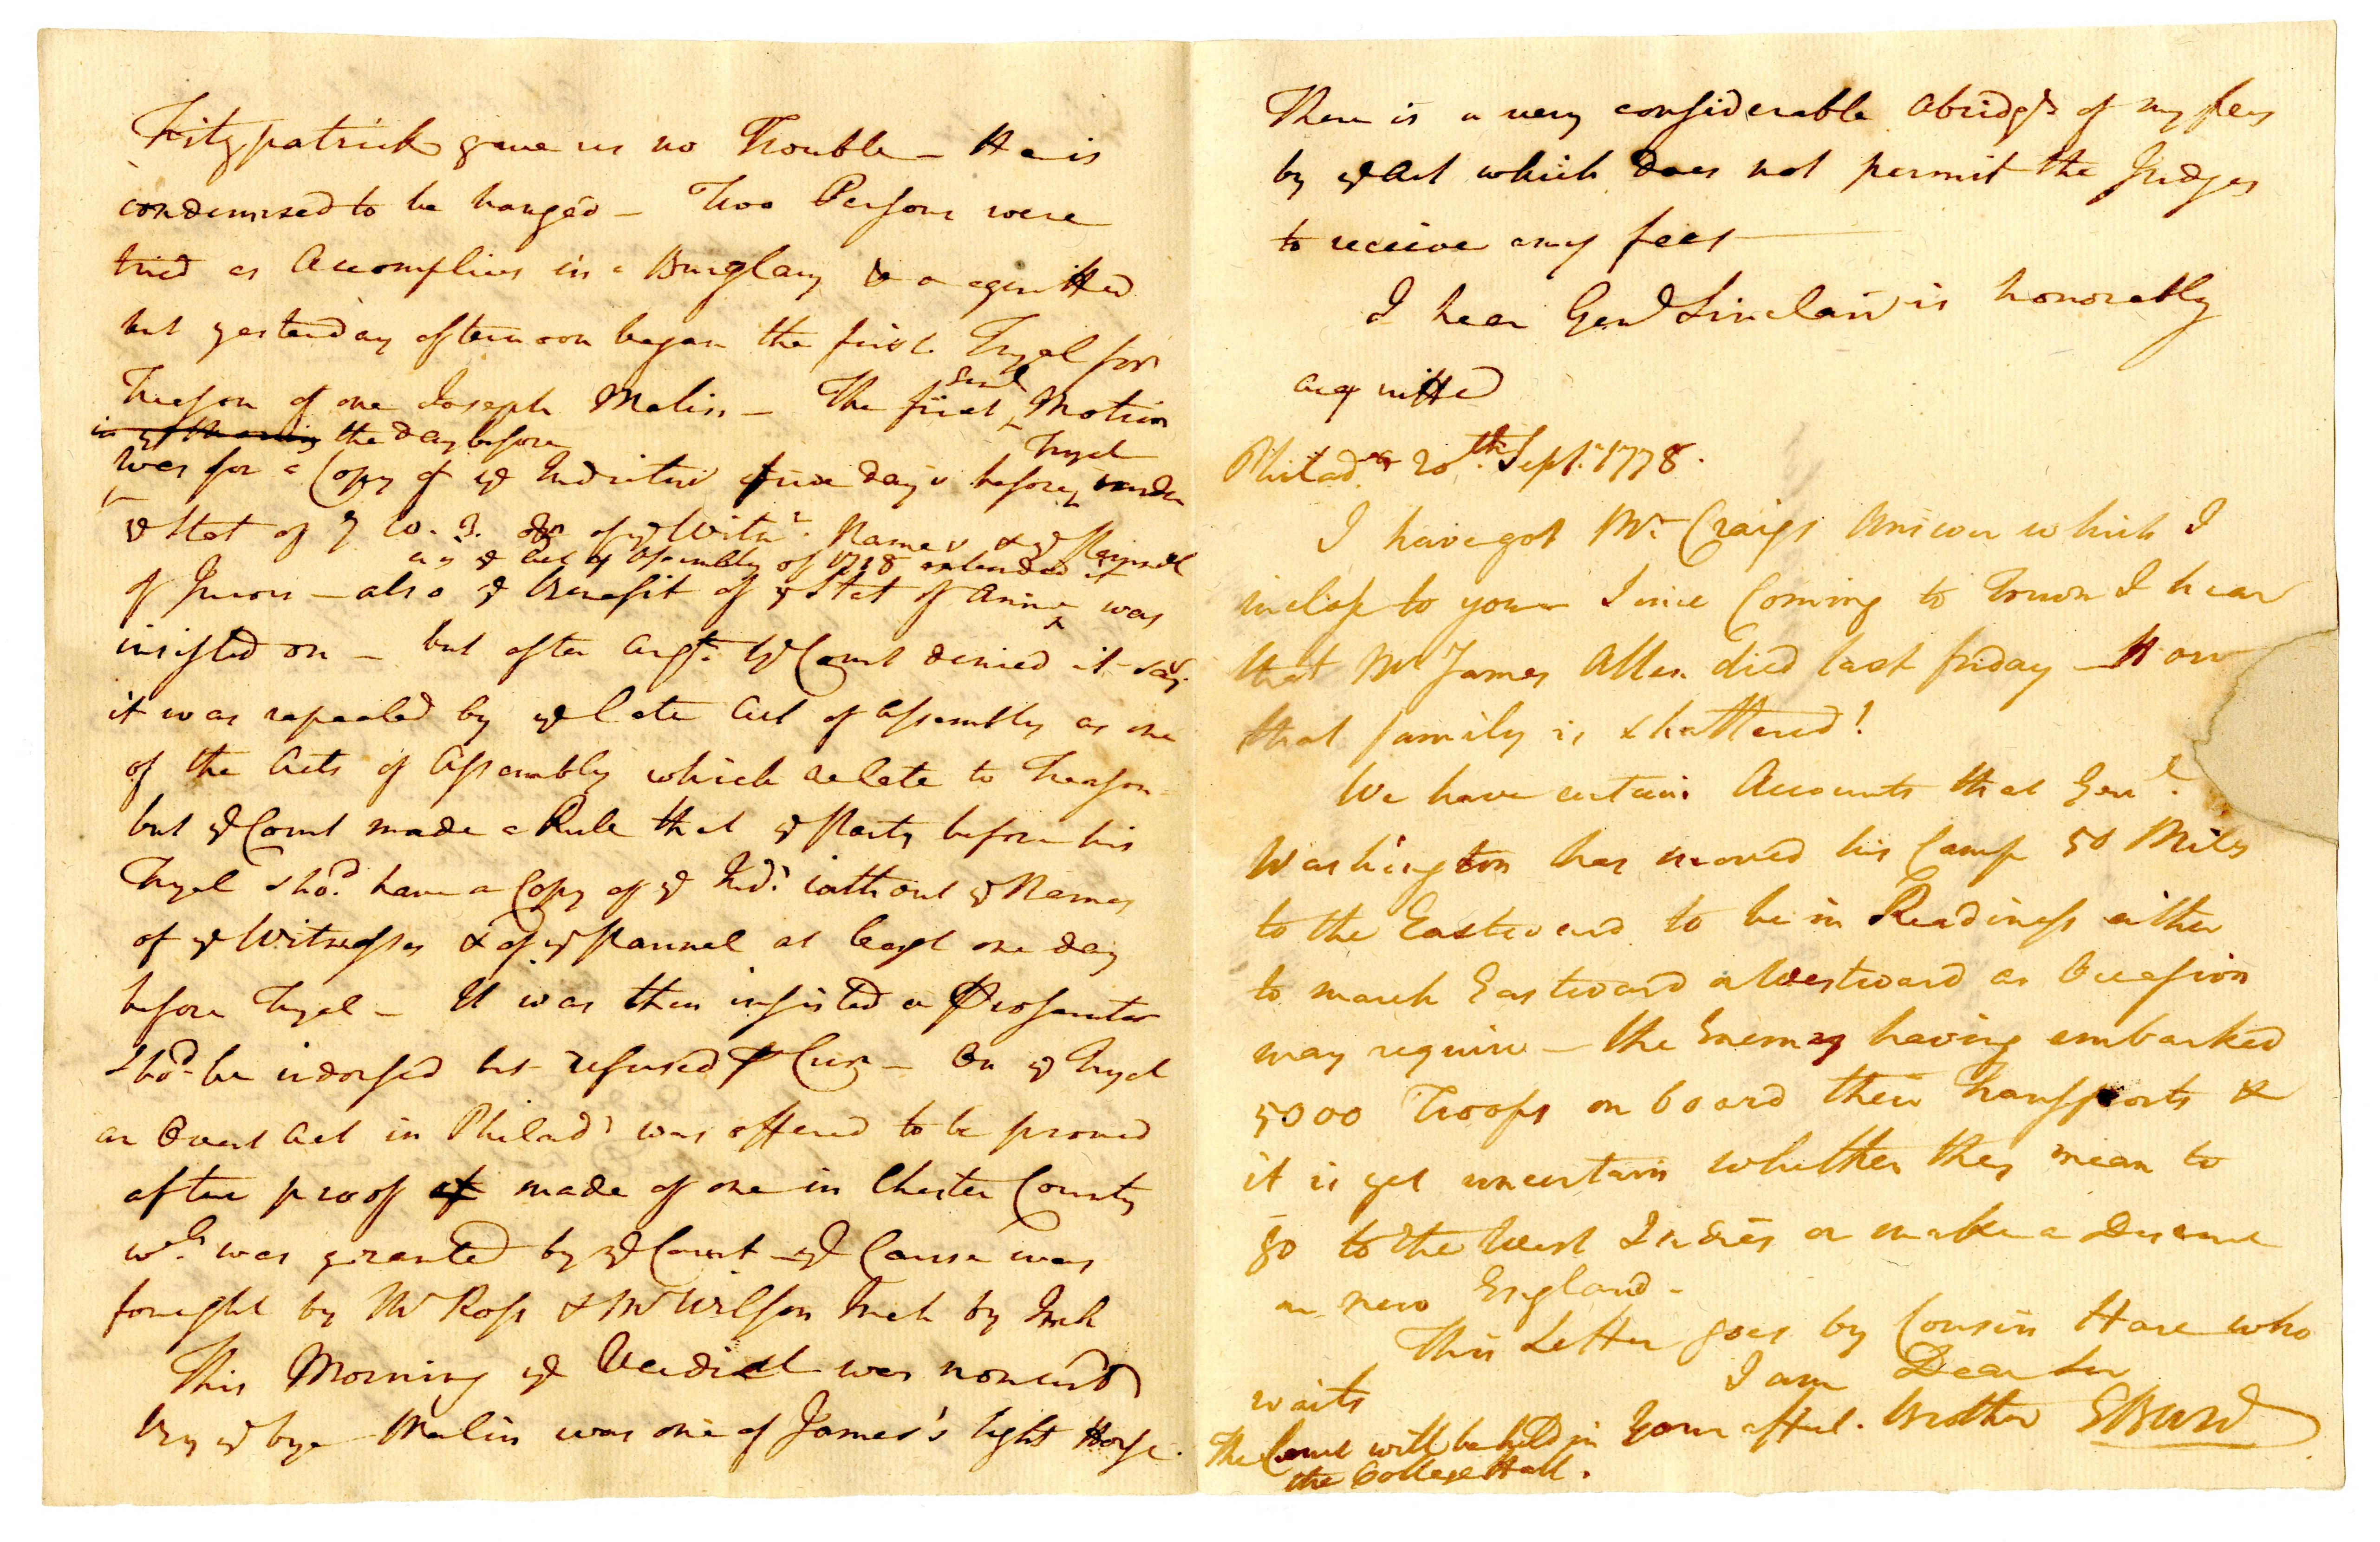Fitzpatrick gave us no Trouble. He is
condemned to be hanged- Two Persons were
tried as Accomplices in a Burglary & aquitted
but yesterday afternoon began the first Tryal for
Treason of one Joseph Malin. The first ^ Motion
genl
in y^e Morning the day before
was for a Copy of y^e Endritue five days before ^ under
Tryal
& that of 7 Co. 3. &c of y^e Writin^g Names & y^e Manner
of Jurors. also y^e Receipt of y^e Stat of Anne ^ was
a y^e y^e bet of Assembly of 1718 onlanded
insisted on but after Ans^[_] G^e Comb denied it say^g
if was repealed by y^e late Act of assembly as one
of the Acts of Assembly which relate to Treason
but y^e Court made a Rule that y^e Party before his
Tryal sho^d. have a Copy of y^e Ind: without y^e Names
of y^e Witness & of y^e Pannel at least one day
before Tryal. lt was then insisted a Prosecutor
sho^d be indorsed but refused per Cur. On y^e Tryal
an Overt Act in Philad^a. was offered to be proved
of the proof of made of one in Chester County
w^ch. was granted by y^e Court. y^e Cause was
fought by M^r Ross & M^r Wilson Inch by Inch
This Morning y^e Vadriel was nonined
By y^e bye Malin was one of James's light boys.
There is a very considerable abridg^t of my fes
by y^e act which does not permit the Judges
to receive any fees.
I hear Gen^l Sinclair is honorably
any nitte
Philad^a 20^th. Sept. 1778.
I have got M^r. Craigs Answer which I
inclose to you Since Coming to Town I hear
that M^r James Allen died last friday. How
that family is Shattered!
We have certain Accounts that Gen^l
Washington has moved his Camp 50 Miles
to the Eastern end to be in Readiness either
to march Eastward or Westward as Occasion
may require. the Enemy having embarked
5000 troops on board their hausports &
it is yet uncertain whether they mean to
go to the West Indies or make a Descent
on new England.
waits
This Letter goes by Cousin Hare who
The Court will be held in
the College Hall.
I am Dear Sir
your affec. Brother E. Burd